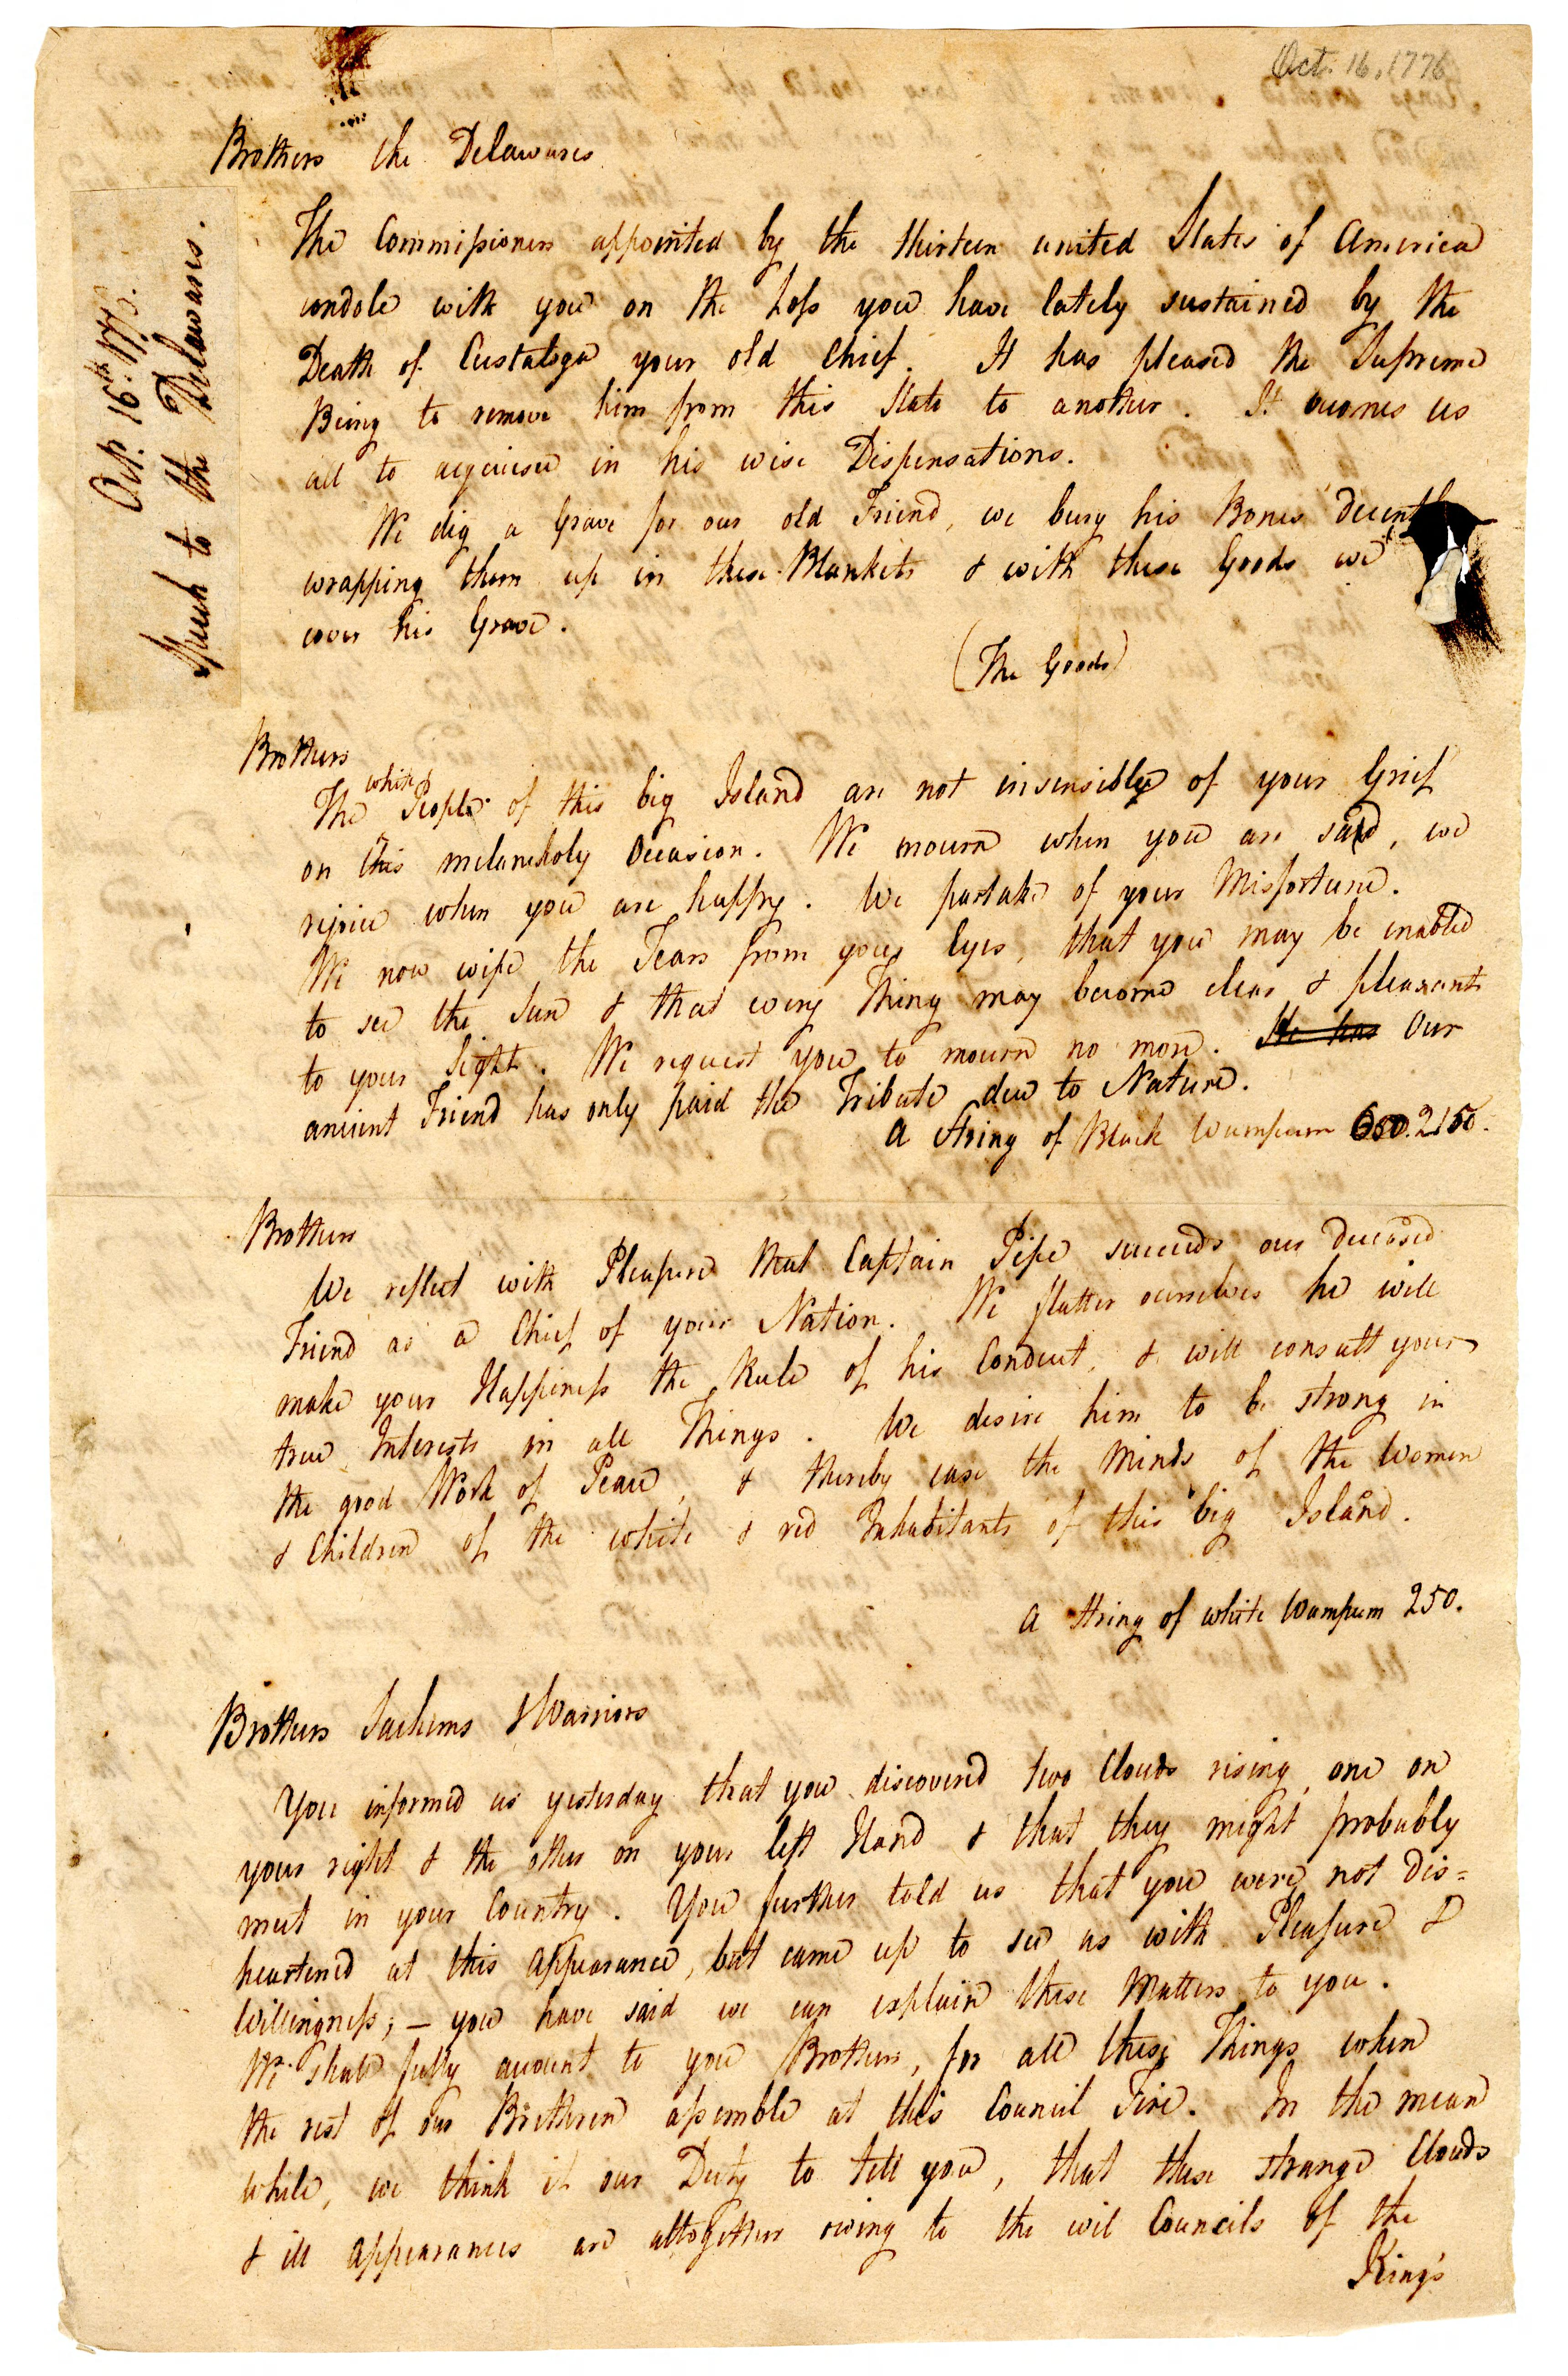Brothers the Delawares
The Commissioners appointed by the thirteen united States of America
condole with you on the Loss you have lately sustained by the
Death of Custaloga your old Chief. It has pleased the Supreme
Being to remove him from this State to another. It becomes us
all to acquiesce in his wise Dispensations.
We dig a Grave for our old Friend, we bury his Bones decent
wrapping them up in these Blankets & with these Goods we
cover his Grave.
Oct^r. 16^th. 1776.
Speech to the Delawares.
(The Goods)
Brothers
white
The^ People of this big Island are not insensible of your Grief
on this melancholy Occasion. We mourn when you are sad, we
rejoice when you are happy. We partake of your Misfortune.
We now wipe the Tears from your Eyes, that you may be enabled
to see the Sun & that every thing may become clean & pleasant
to your Sight. We request you to mourn no more. He has Our
ancient Friend has only paid the Tribute due to Nature.
A String of Black Wampum 600.2150.
Brothers
We reflect with Pleasure that Captain Pipe succeeds our deceased
Friend as a Chief of your Nation. We flatter ourselves he will
make your Happiness the Rule of his Conduct, & will consult your
true Interests in all Things. We desire him to be strong in
the good Work of Peace & thereby ease the Minds of the Women
& Children of the white & red Inhabitants of this big Island.
A String of white Wampum 250.
Brothers Sachims & Warriors
You informed us yesterday that you discovered two Clouds rising one on
your right & the other on your left Hand & that they might probably
meet in your Country. You further told us that you were not dis-
heartened at this Appearance, but came up to see us with Pleasure &
Willingness;- you have said we can explain these Matters to you.
We shall fully account to you Brothers, for all these Things when
the rest of our Brethren assemble at this Council Fire. In the mean
while, we think it our Duty to tell you, that these strange Clouds
& ill appearances are altogether owing to the evil Councils of the
King's